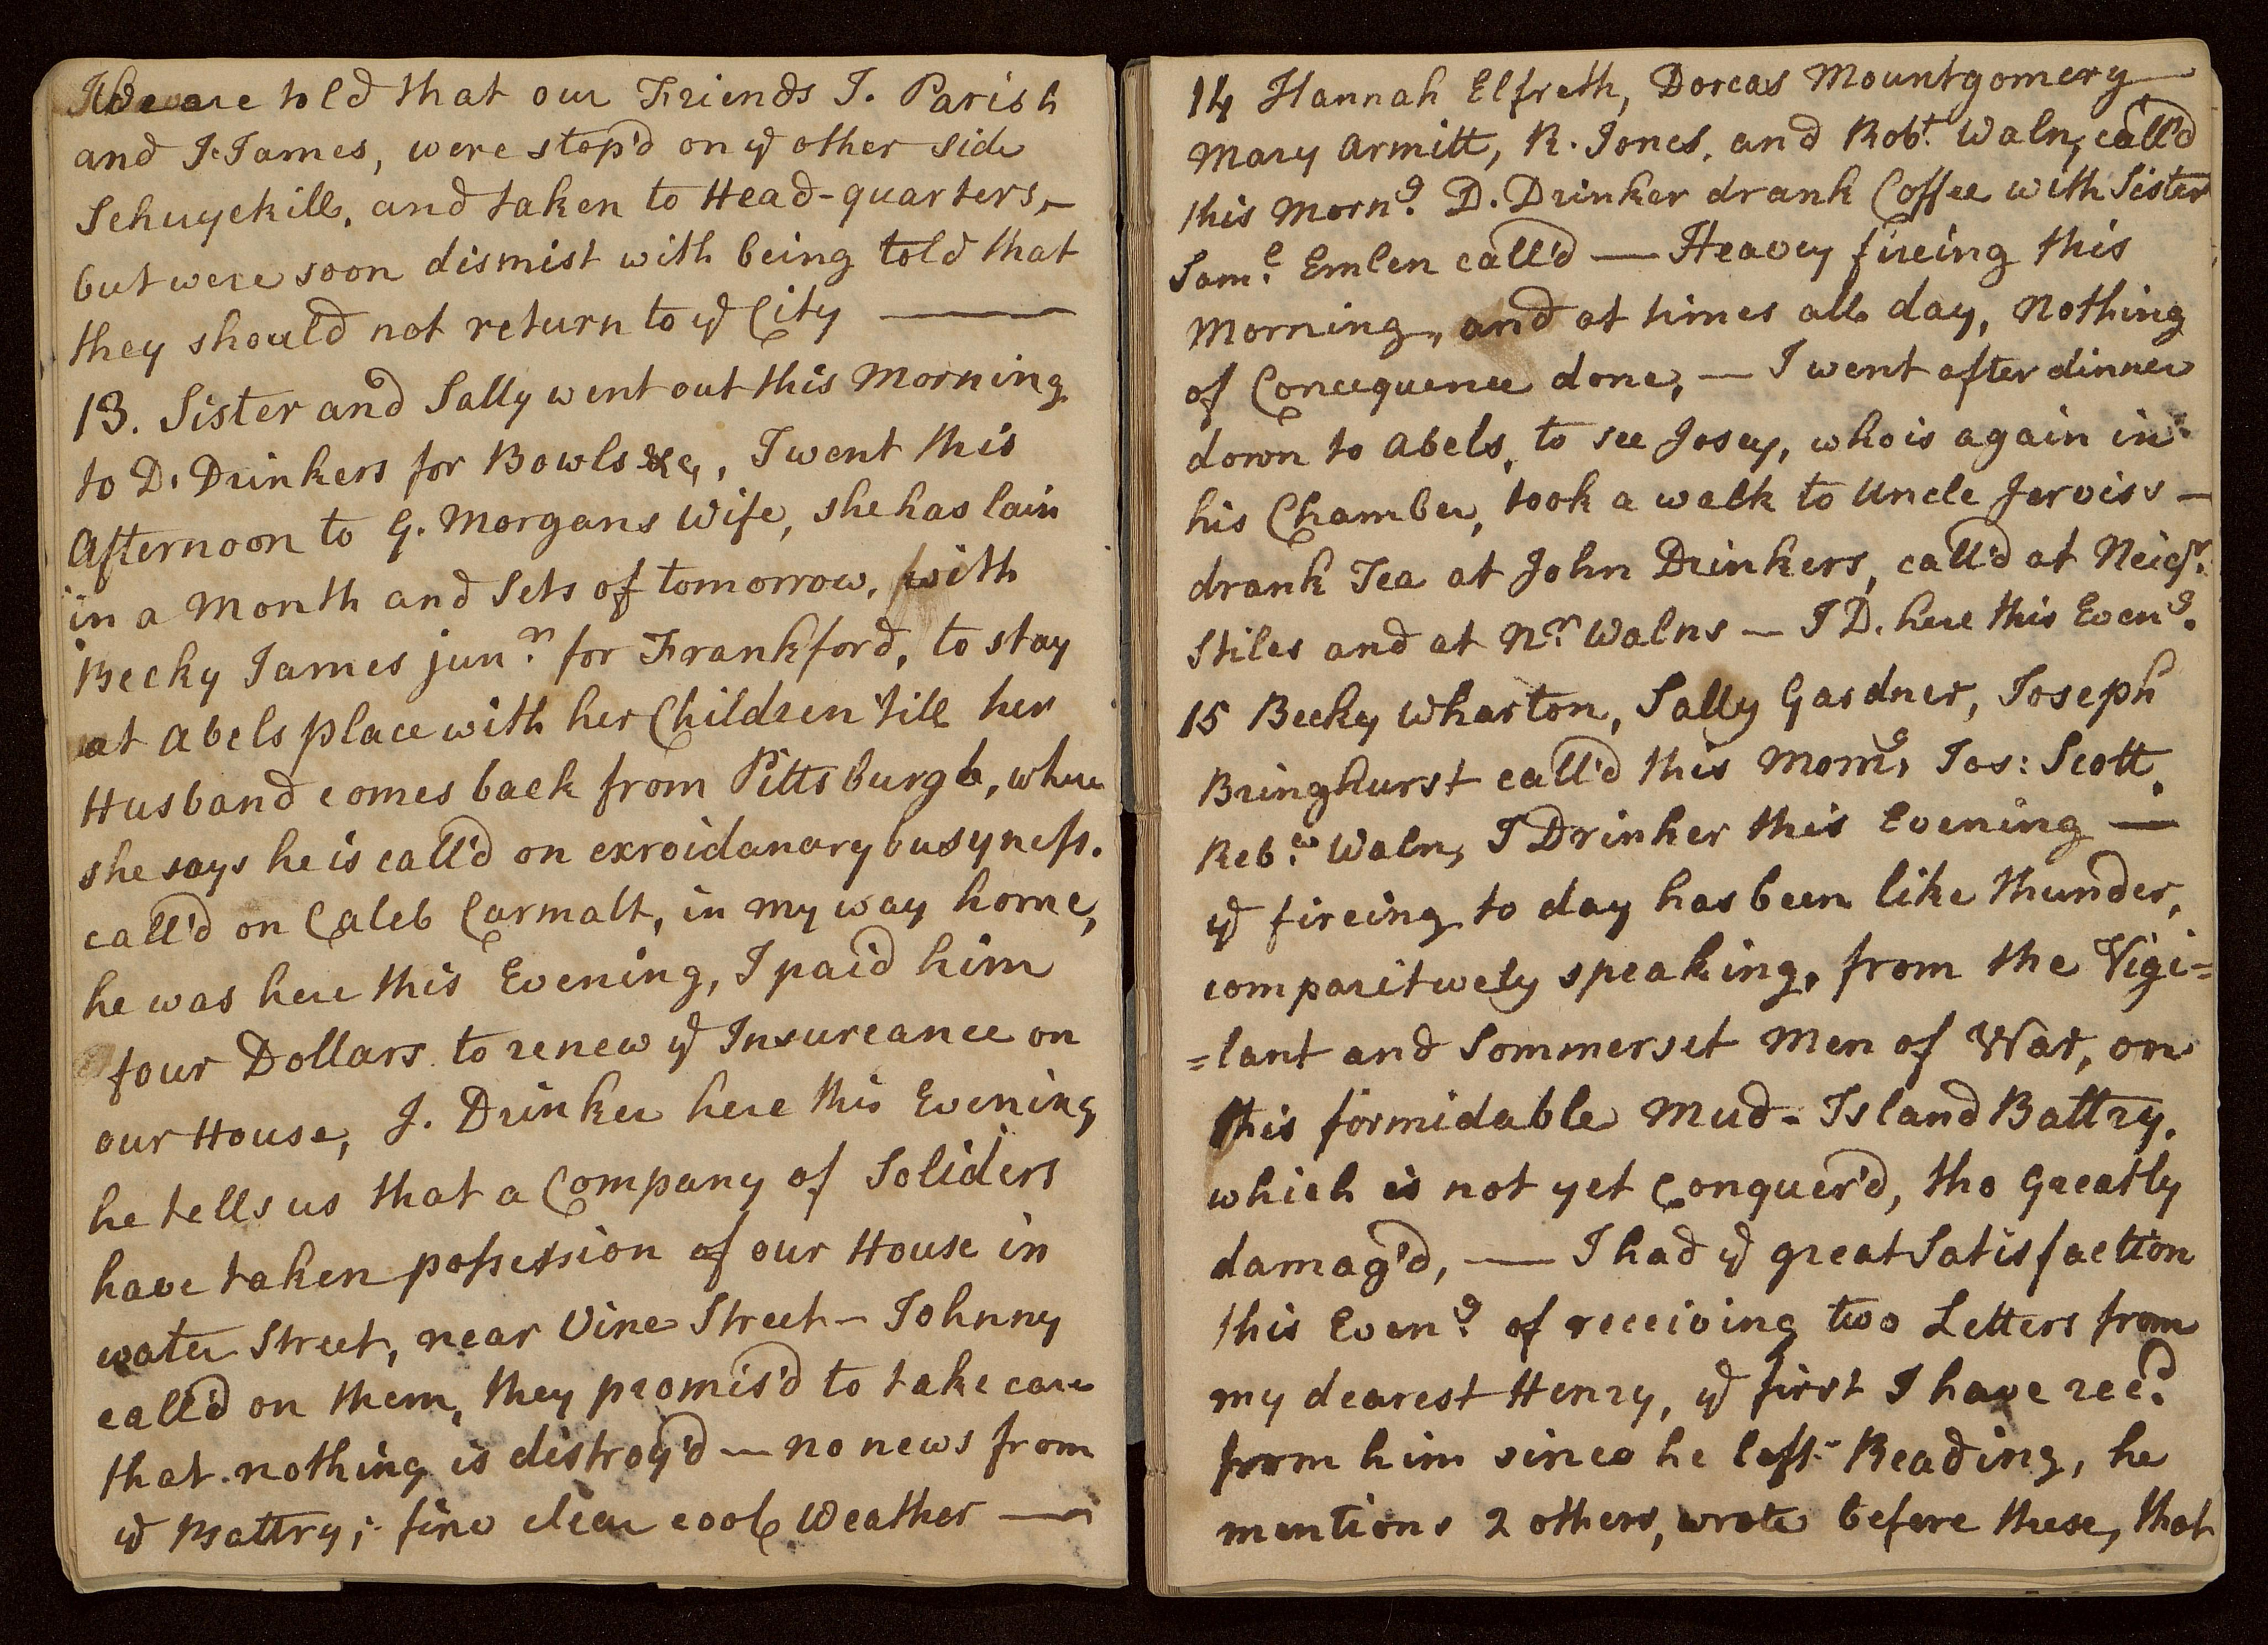We are told that our Friends I. Parish
and J. James, were stop'd on y^e other side
Schuyckill, and taken to Head-quarters,-
but were soon dismist with being told that
they should not return to y^e City -
13. Sister and Sally went out this morning
to D. Drinkers for Bowls &c, I went this
Afternoon to G. Morgans Wife, she has lain
in a Month and sets of tomorrow, with
Becky James jun^r. for Frankford, to stay
at Abels place with her Children till her
Husband comes back from Pittsburgh, where
she says he is call'd on exroidanary busyness.
call'd on Caleb Carmalt, in my way home,
he was here this Evening, I paid him
four Dollars to renew y^e Insureance on
our House, J. Drinker here this Evening
he tells us that a Company of Soliders
have taken possession of our House in
water Street, near Vine Street- Johnny
call'd on them, they promis'd to take care
that nothing is distroy'd- no news from
y^e Battry; fine clear cool weather-
14 Hannah Elfreth, Doreas Mountgomery-
Mary Armitt, R. Jones, and Rob^t. Waln, call'd
this Morn^g. D. Drinker drank Coffee with Sister
Sam^l. Emlen call'd- Heavey fireing this
Morning, and at times all day, nothing
of Concequence done,- I went after dinner
down to Abels to see Josey, who is again in
his Chamber, took a walk to Uncle Jerviss-
drank Tea at John Drinkers, call'd at Neig^r.
Stiles and at N^r. Walns- JD. here this Even^g.
15 Becky Wharton, Sally Gardner, Joseph
Bringhurst call'd this morn^g. Jos: Scott.
Reb^a. Waln, J Drinker this Evening-
y^e fireing to day has been like thunder,
comparitevely speaking, from the Vigi-
-lant and Sommerset men of War, on
this formidable Mud-Island Battry.
which is not yet conquer'd, the Greatly
damag'd,- I had y^e great Satisfaction
this Even^g. of receiving two Letters from
my dearest Henry, y^e First I have rec^d.
from him since he left Reading, he
mentions 2 others, wrote before then, that